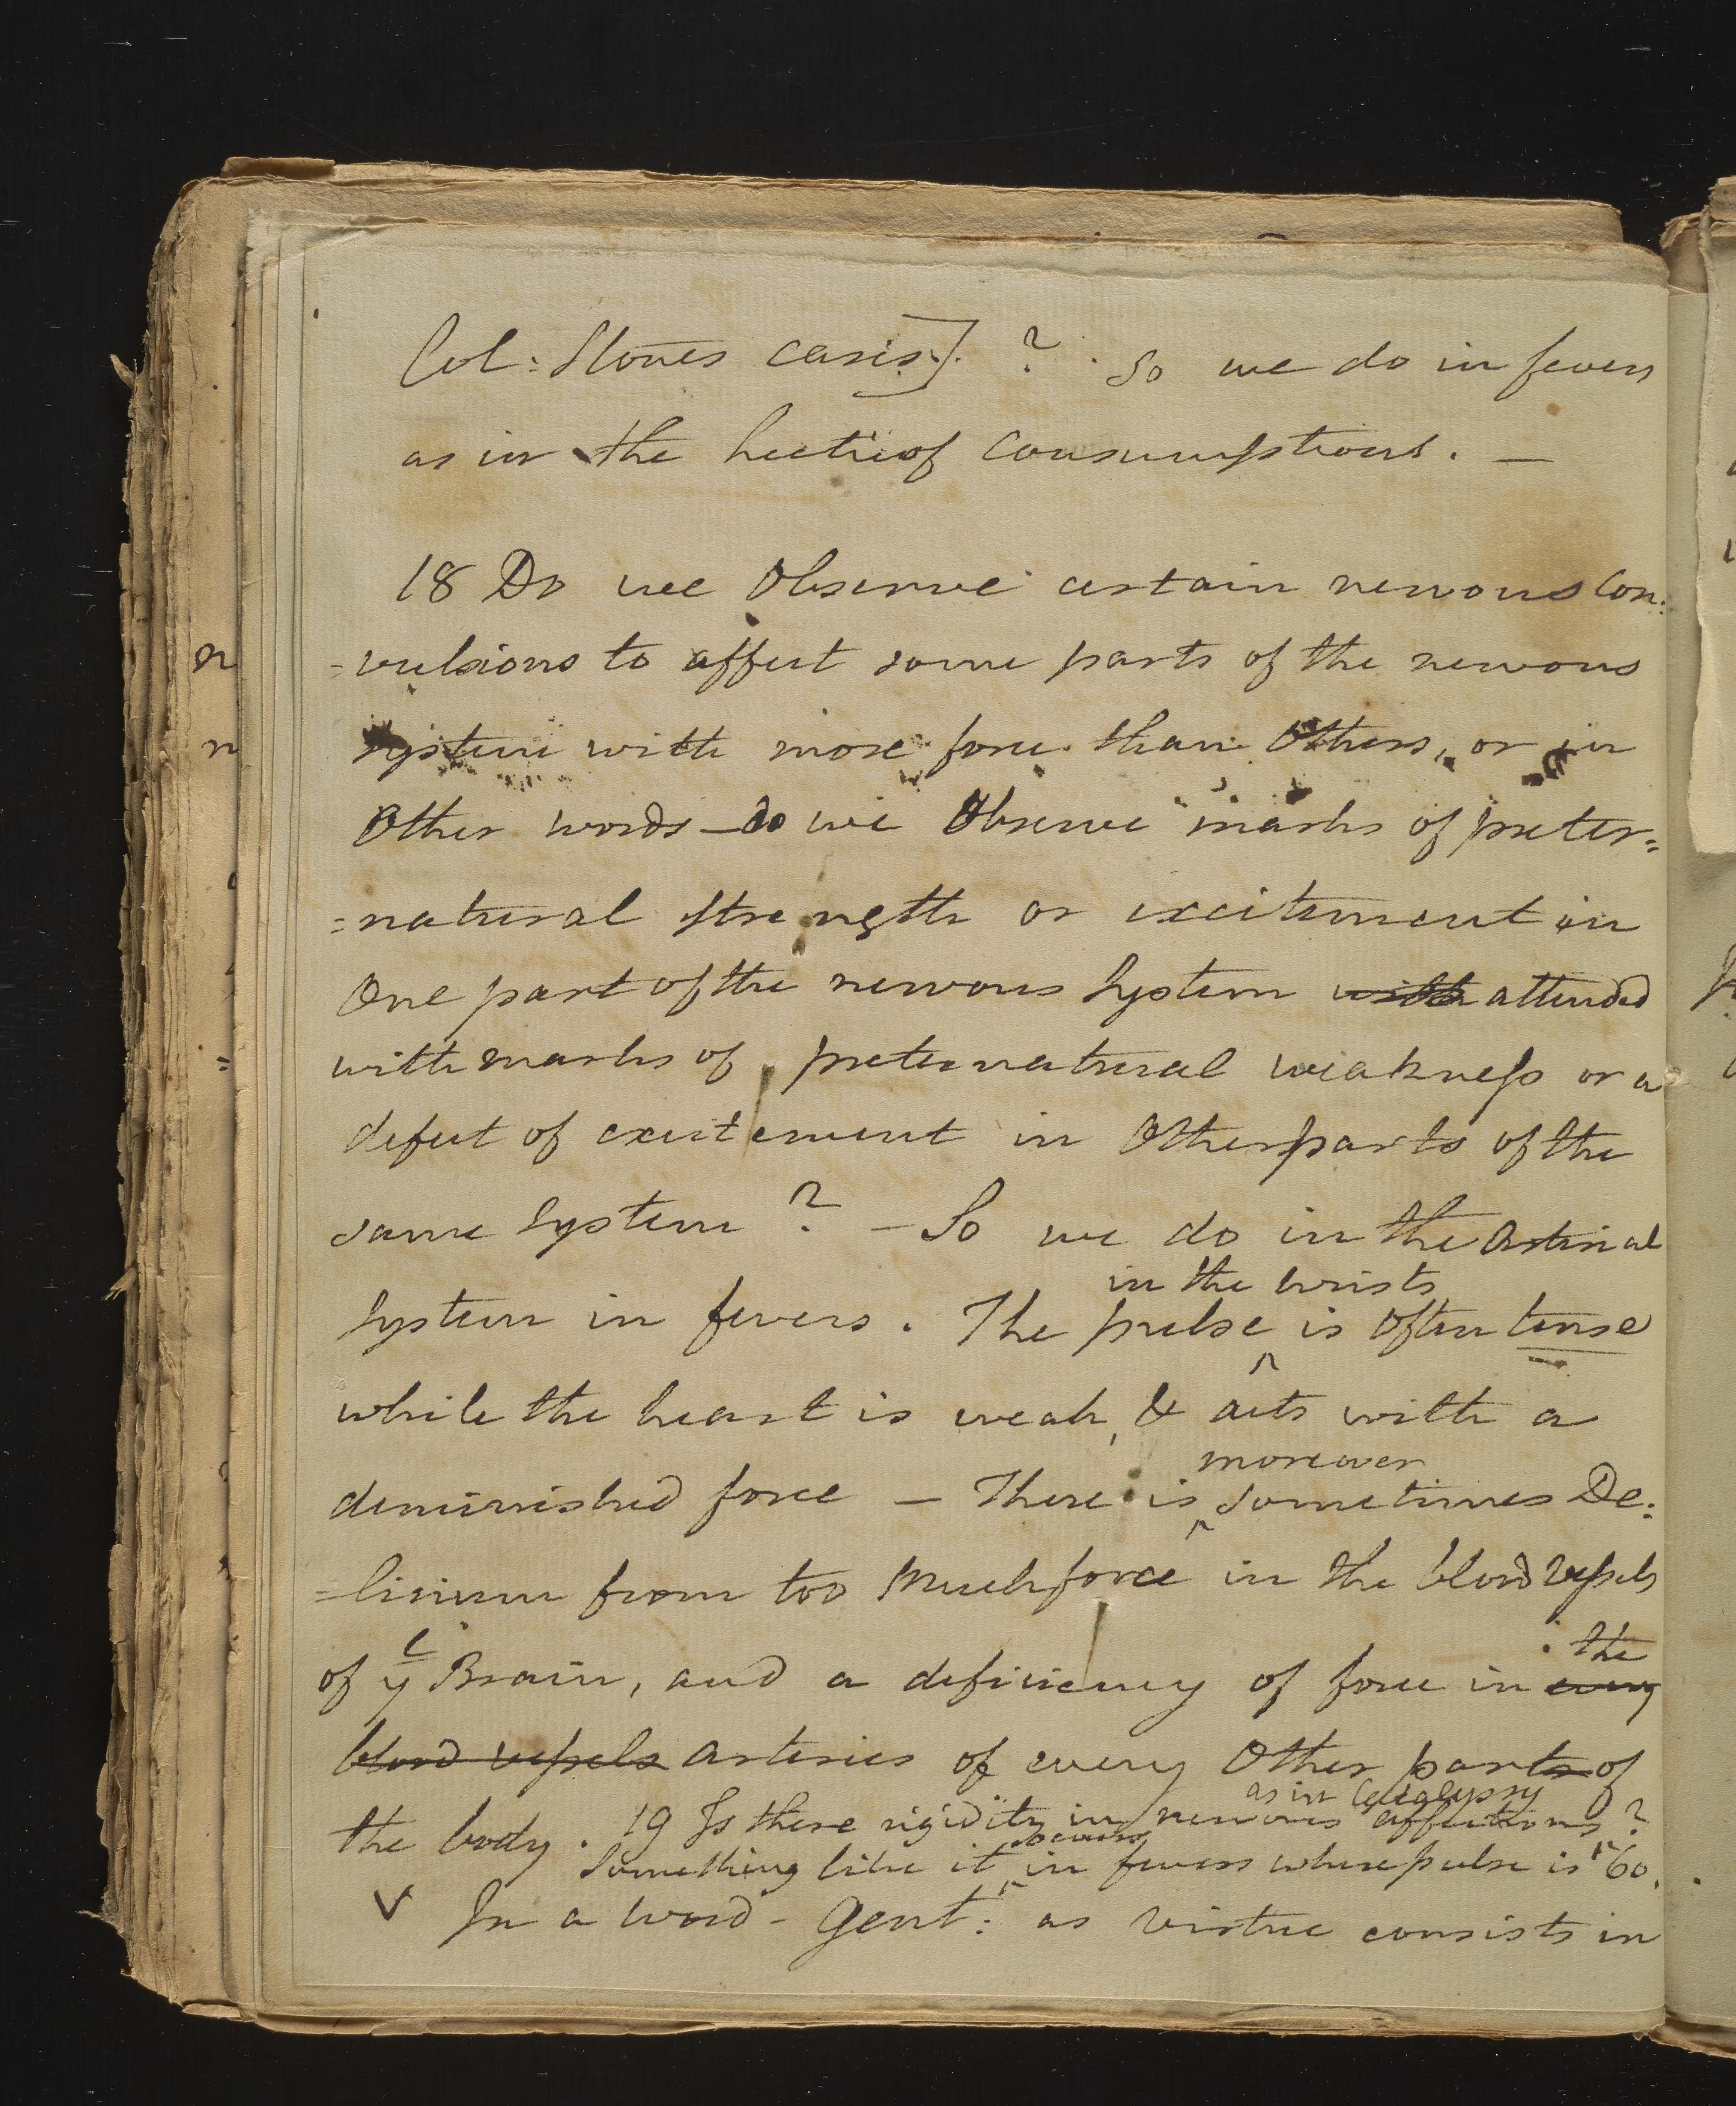Col. Sloves canis) ? So we do in fevers
as in the heat of consumptions.
18 Do we observe certain nervous con-
-vulsions to affect some parts of the nervous
system with more force than others, or in
other words, do we observe marks of preter-
natural strength or excitement in
one part of the nervous system [with] attended
with marks of preternatural weakness or a
defect of excitement in other parts of the
same system? So we do in the arterial
in the wrists
system in fevers. The pulse ^ is often tense
while the heart is weak, & acts with a
moreover
diminished force. There is ^ sometimes De-
-lirium from too much force in the blood vessels
the
of y^e Brain, and a deficiency of force in [every]
[blood vessels] arteries of every other part of
as in catalepsy
the body. 19. Is there rigidity in nervous affections ^ ?
occurs
something like it ^ in fevers where pulse is 60
V In a word, gent^n: as virtue consists in